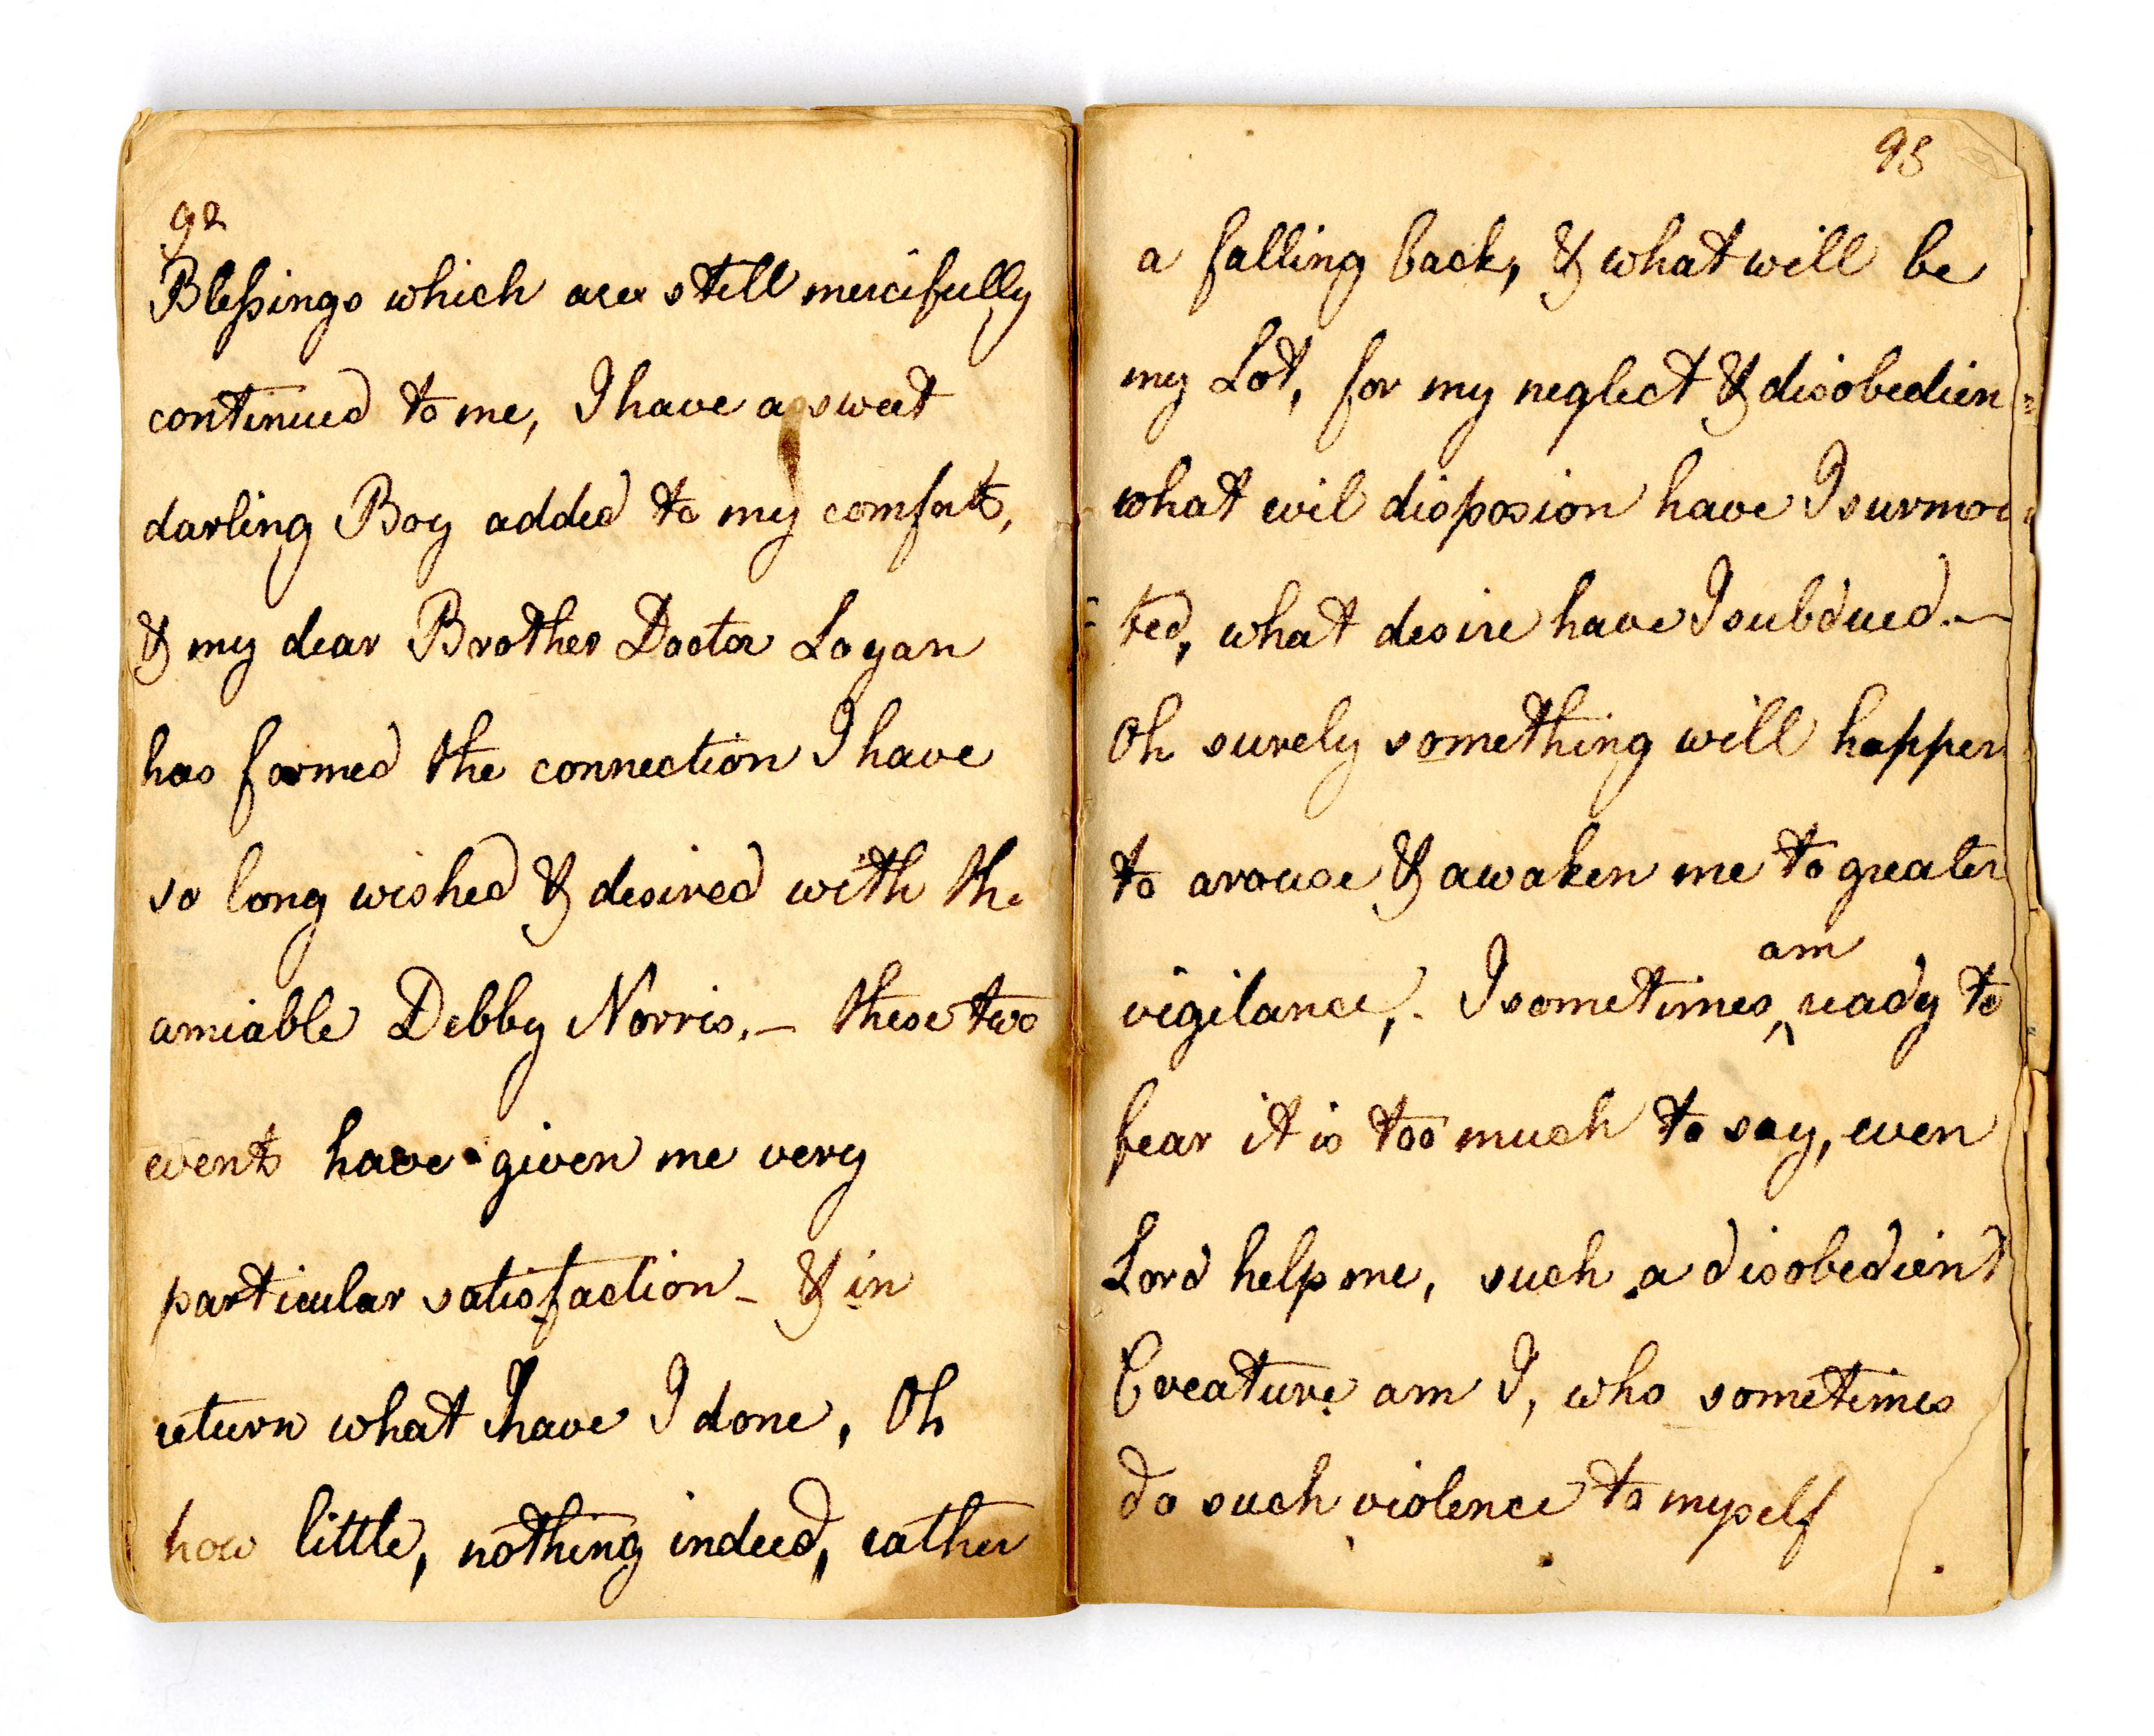Blessings which are still mercifully
continued to me, I have a sweet
darling Boy added to my comforts,
& my dear Brother Doctor Logan
has formed the connection I have
so long wished & desired with the
amiable Debby Norris- these two
events have given me very
particular satisfaction- & in
return what have I done, Oh
how little, nothing indeed, rather
a falling back, & what will be
my Lot, for my neglect & disobedien
what evil disposion have I surmou
-ted, what desire have I subdued-
Oh surely something will happen
to arouse & awaken me to greater
am
vigilance, I sometimes ^ ready to
fear it is too much to say, even
Lord help me, such a disobedient
Creature am I, who sometimes
do such violence to myself